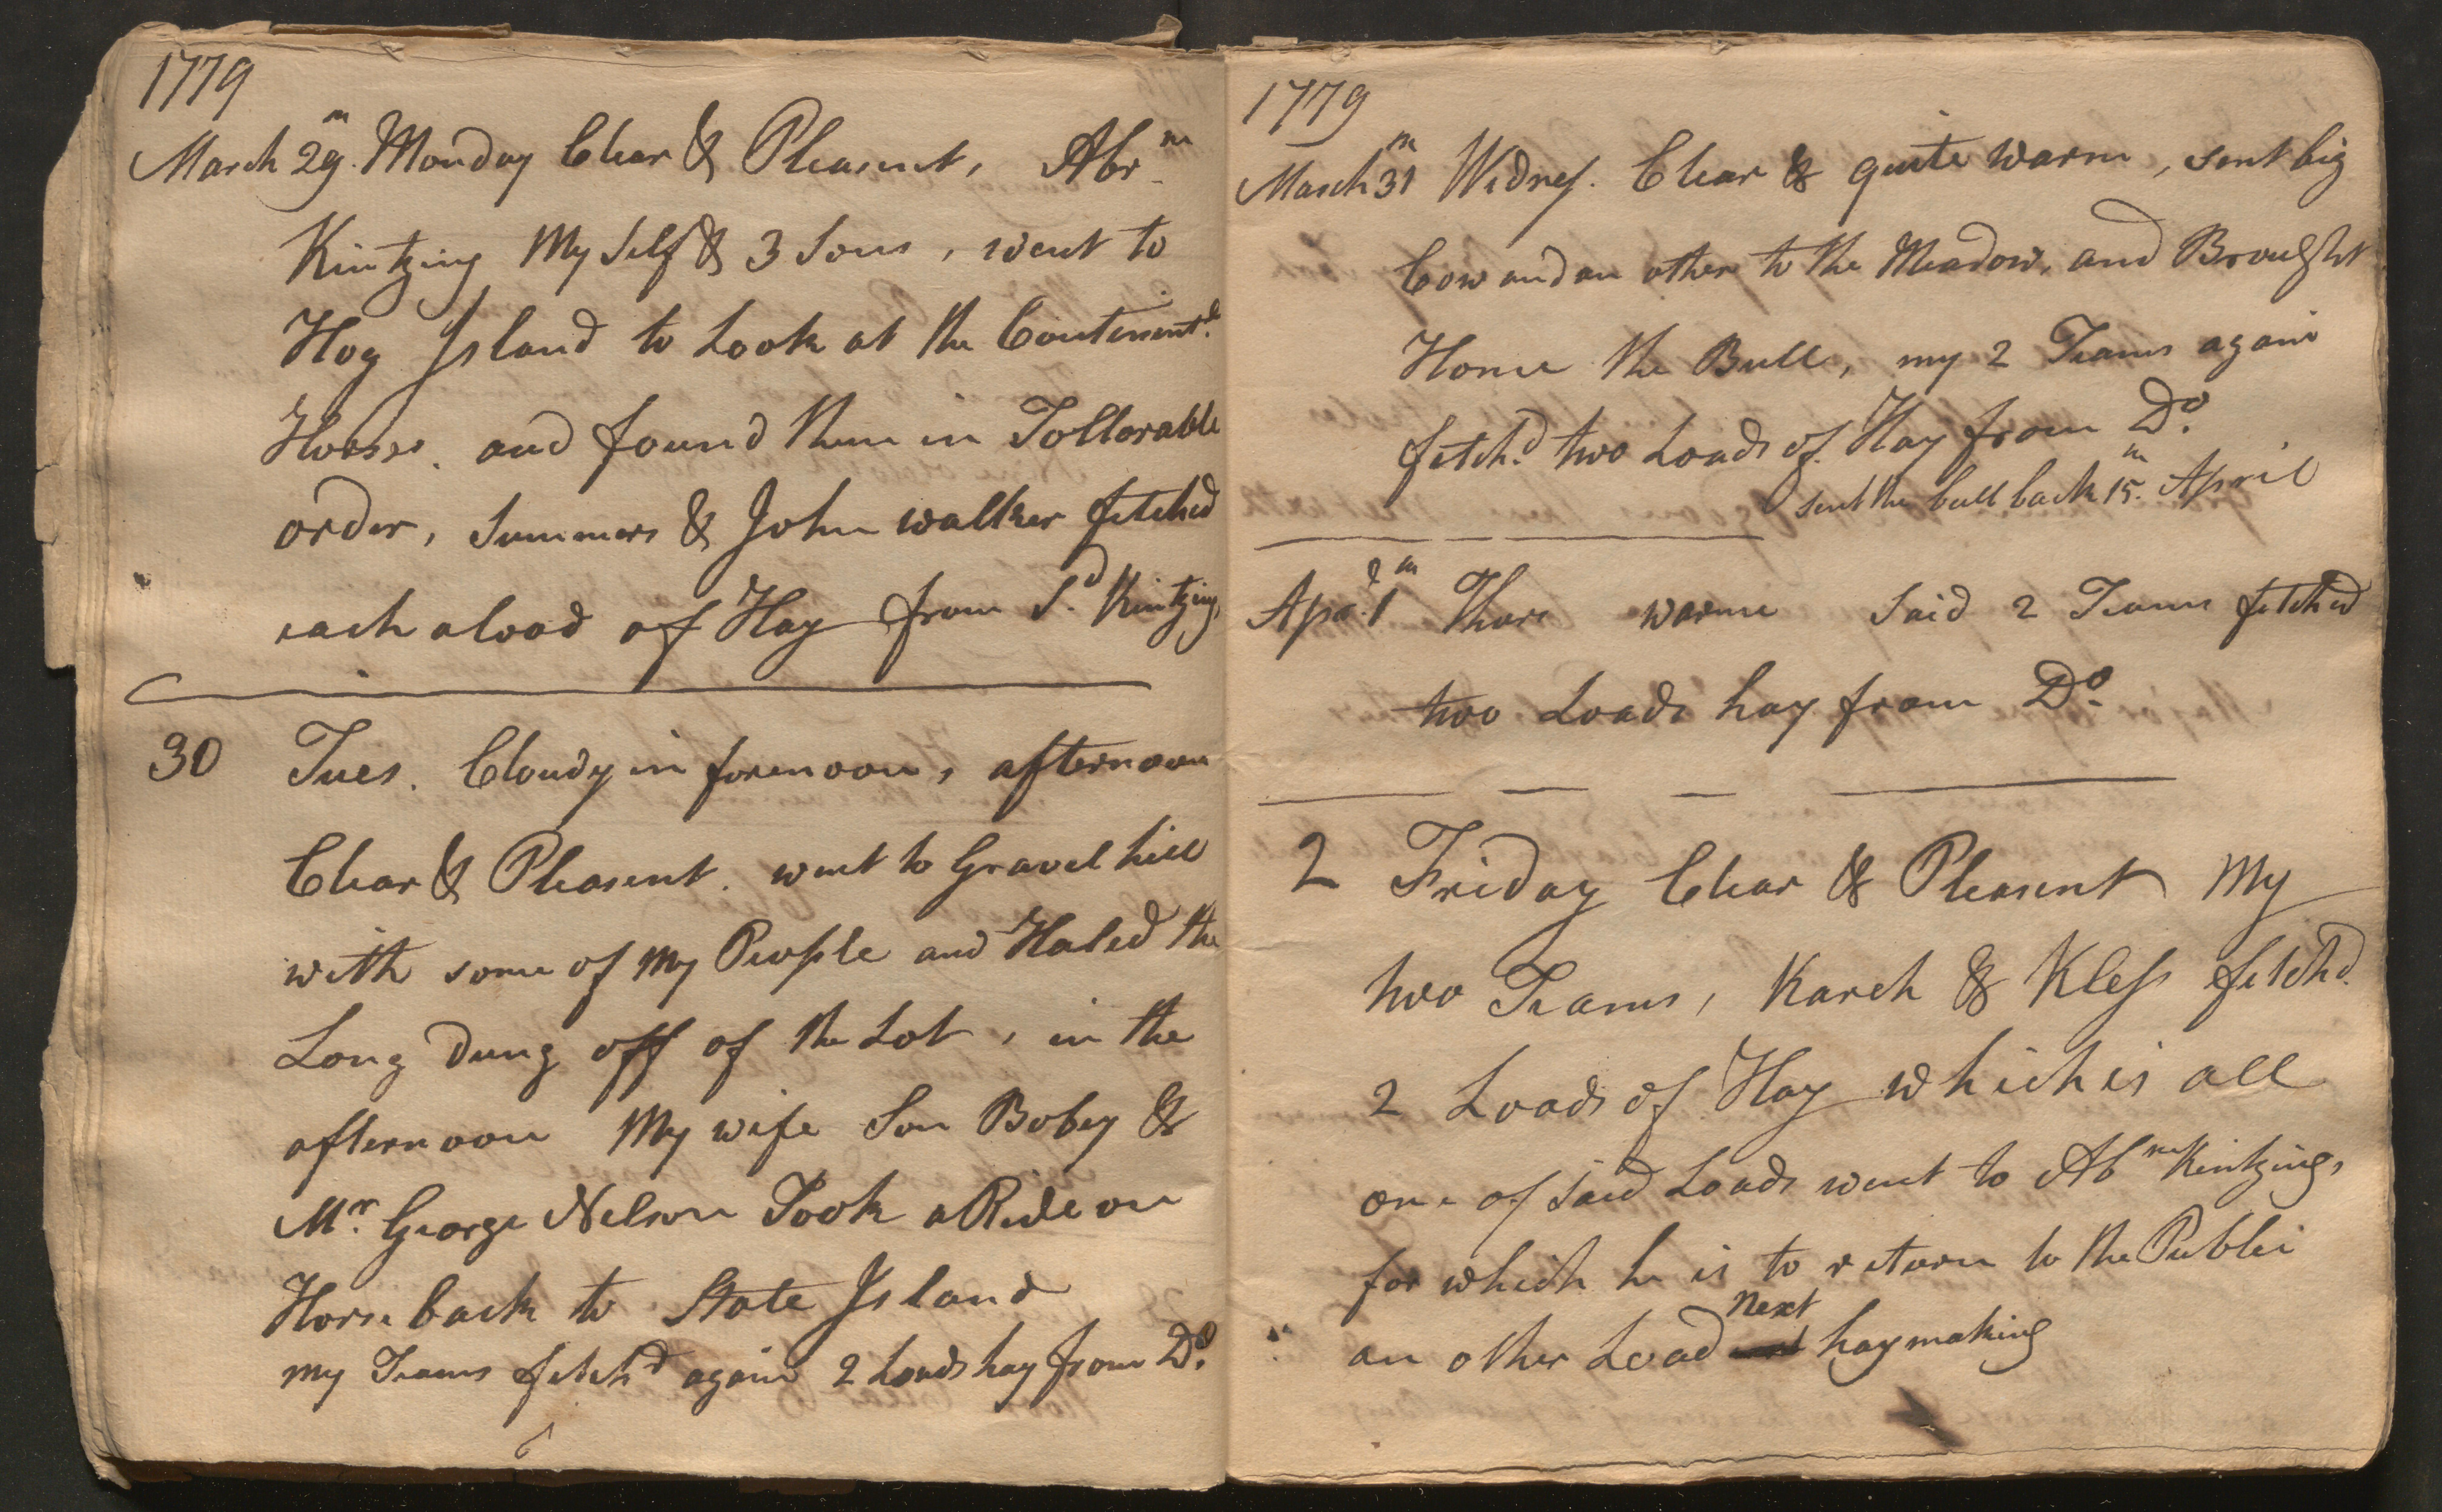1779
March 29^th. Monday Clear & Pleasent. Abr^m.
Kintzing My Self & 3 Sons, went to
Hog Island to Look at the Continent^l.
Horses and found them in Tollerable
order, Summers & John walker fetched
each a load of Hay from S^d. Kintzing,
30 Tues. Cloudy in forenoons afternoon
Clear & Pleasent. went to Gravel hill
with some of my People and Haled the
Long dung off of the Lot, in the
afternoon My wife Son Bobey &
M^r. Grorge Nelson Took a Ride on
Horseback to State Island
my Teams of fetch^d again 2 Loads hay from D^o.
1779
March 31^th Wednes. Clear & quite warm, sent big
Cow and an other to the Meadow and Brought
Home the Bull, my 2 Teams again
fetch^d. two Loads of Hay from D^o.
sent the bull bark 15^th. April
Apr^l. 1^th Thurs warme said 2 Teams fetched
two Loads hay from D^o.
2 Friday Clear & Pleasent My
twe Teams, Karch & Kless fetchd.
2 Loads of Hay which is all
one of said Loads went to Ab^m Kintzing,
for which he is to return to the Public
next
are other Lead [___] hay making